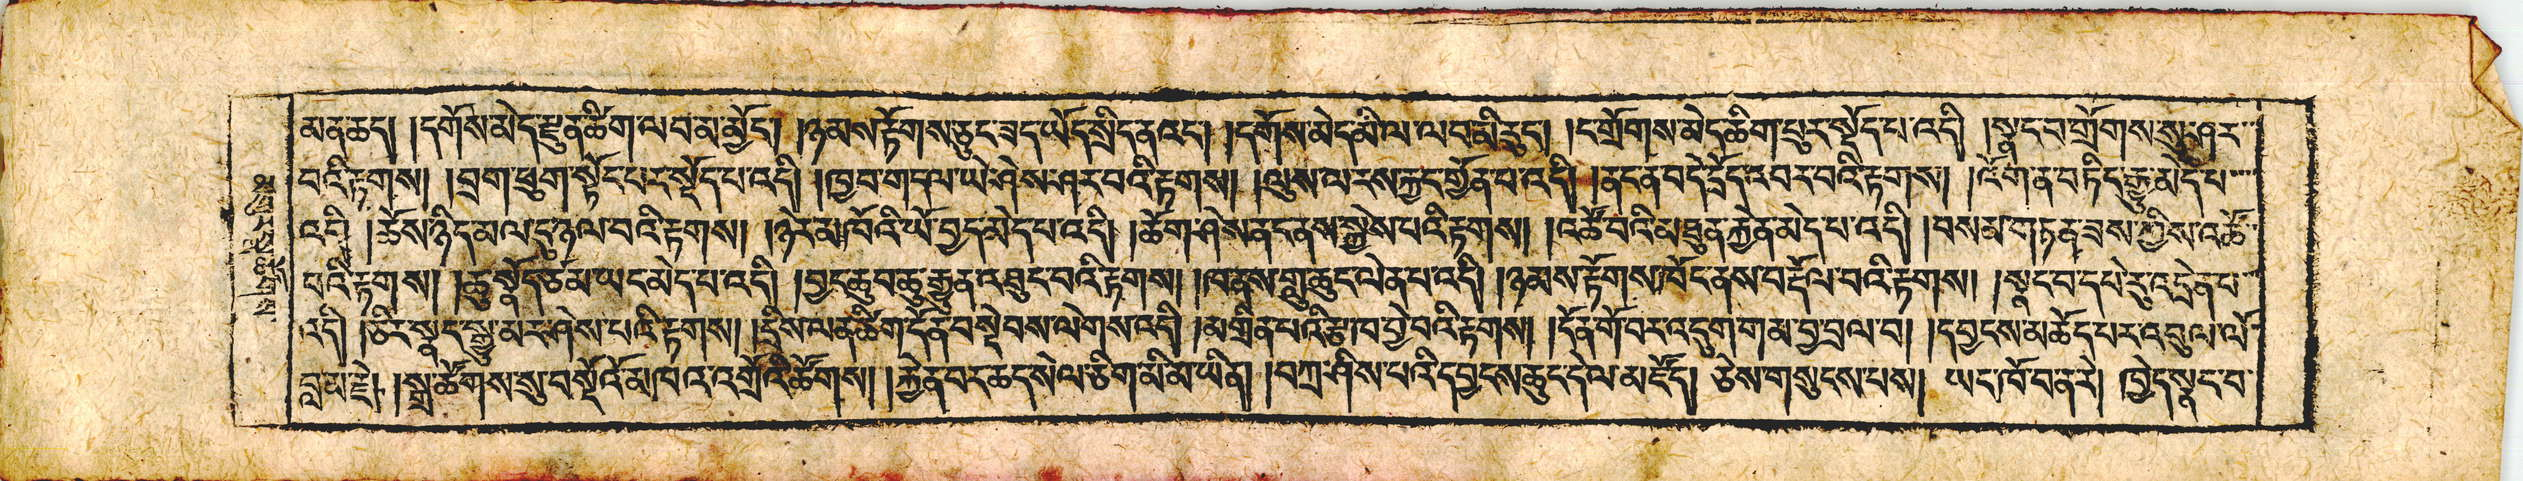མན་ཆད། །དགོས་མེད་རྫུན་ཚིག་ལབ་མ་མྱོང་། །ཉམས་རྟོགས་ཅུང་ཟད་ཡོད་སྲིད་ནའང་། །དགོས་མེད་མི་ལ་ལབ་མི་རུང་། །ང་གྲོགས་མེད་ཆིག་པུར་སྡོད་པ་འདི། །སྣང་བ་གྲོགས་སུ་ཤར་
བའི་རྟགས། །བྲག་ཕུག་སྟོང་པར་སྡོད་པ་འདི། །ཁྱབ་གདལ་ཡེ་ཤེས་ཤར་བའི་རྟགས། །ལུས་ལ་རས་རྐྱང་གྱོན་པ་འདི། །ནང་ནུབ་བདེ་དྲོད་འབར་བའི་རྟགས། །འོག་ན་བཏིང་རྒྱུ་མེད་པ་
འདི། །ཆོས་ཉིད་མལ་དུ་ཉལ་བའི་རྟགས། །ཉེར་མཁོའི་ཡོ་བྱད་མེད་པ་འདི། །ཆོག་ཤེས་ནང་ནས་སྐྱེས་པའི་རྟགས། །འཚོ་བའི་མཐུན་རྐྱེན་མེད་པ་འདི། །བསམ་གཏན་ཟས་ཀྱིས་འཚོ་
བའི་རྟགས། །ཆུ་སྣོད་ཙམ་ཡང་མེད་པ་འདི། །བྱང་ཆུབ་ཆུ་རྒྱུན་འཐུང་བའི་རྟགས། །ཁ་ནས་གླུ་ཆུང་ལེན་པ་འདི། །ཉམས་རྟོགས་ཁོང་ནས་བརྡོལ་བའི་རྟགས། །སྣང་བ་དཔེ་རུ་འདྲེན་པ་
འདི། །ཅིར་སྣང་སྒྱུ་མར་ཤེས་པའི་རྟགས། །དྲིས་ལན་ཚིག་དོན་བསྡེབས་ལེགས་འདི། །མགྲིན་པའི་རྩ་ཁ་བྱེ་བའི་རྟགས། །དོན་གོ་བར་འདུག་གམ་བྱ་བྲལ་བ། །དབྱངས་མཆོད་པར་འབུལ་ལོ་
བླ་མ་རྗེ། །སྒྲ་ཚོགས་སུ་བསྔོའོ་མཁའ་འགྲོའི་ཚོགས། །རྐྱེན་བར་ཆད་སེལ་ཅིག་མི་མ་ཡིན། །བཀྲ་ཤིས་པའི་དབྱངས་ཆུང་དེ་ལ་མཛོད། །ཅེས་གསུངས་པས། ཡང་ཁོ་པ་ན་རེ། ཁྱེད་སྣང་བ་